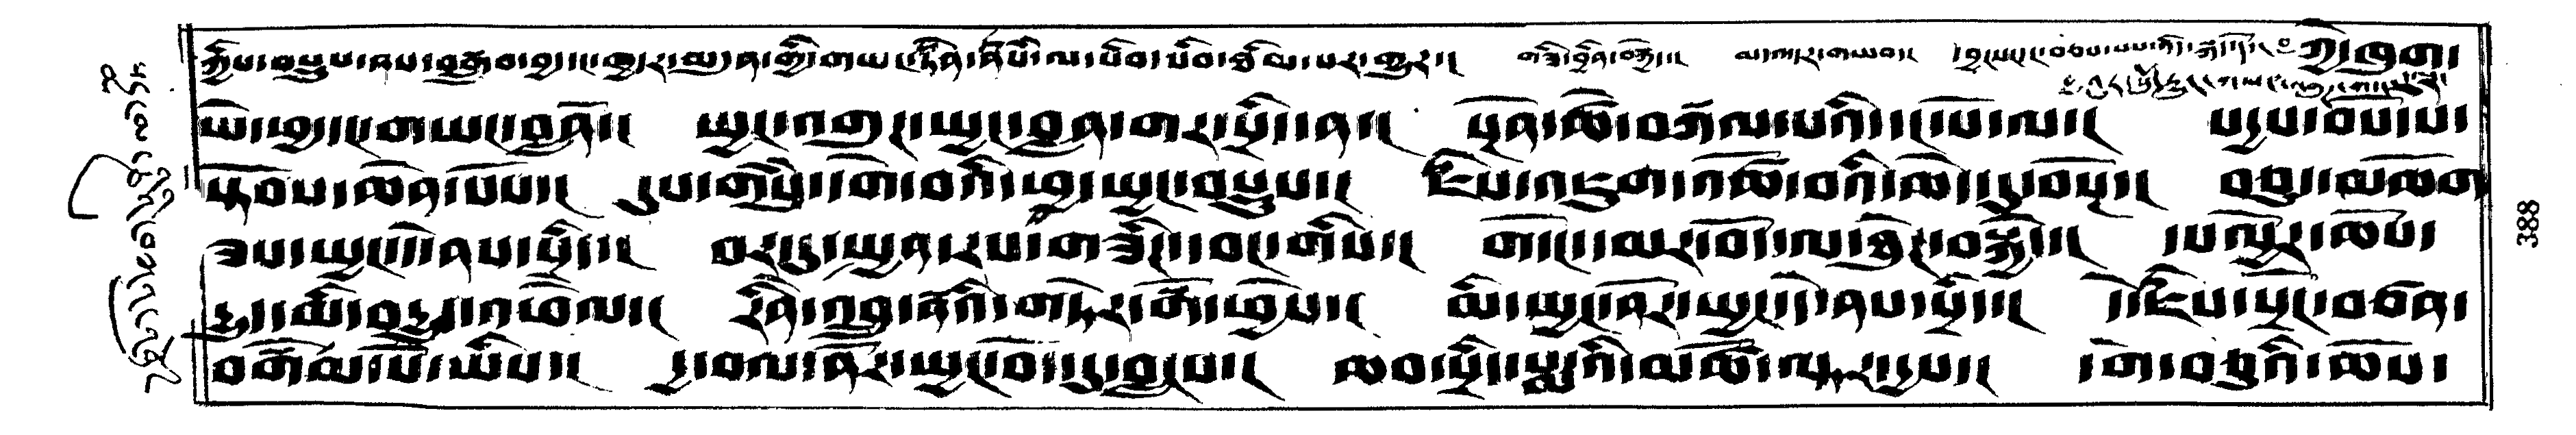ཀྱིས་བསྡུས་ནས་བསྒྲུབ་བྱ་དང་ཁྱད་པར་མདུན་གྱི་གཡང་རྟེན་རྣམས་ལ་སིབ་སིབ་ཐིམ་པར་གྱུར།གཟི་བྱིན་བསྐྱེད། མདའ་དར་གཡབ། དབྱངས་དང་བཅས་པས་འདི་སྐད་དོ།། ཀྱེ་ཁུ་
ཡེ་ཕྱྭ་དང་གཡང་བླན་ནོ། །གཡང་འགུགས་གཡང་བླན་གར་སྲིད་ན། །སྔོན་ཚེ་བསྐལ་པའི་དང་པོ་ལ། །སངས་རྒྱས་
བསོད་ནམས་སྟོབས་ཆེན་པོས། །དུས་གསུམ་དགེ་བའི་ཕྱྭ་གཡང་བསྡུས། །རྗེས་འཇུག་འཚོ་བའི་ཆེད་དུ་བསྔོས། །བཅུད་མཆོག་
ཟས་གཡང་དེ་ནས་སྲིད། །བར་དུ་སྤྱན་རས་གཟིགས་དབང་གིས། །གདོང་དམར་བོད་ལ་ཐུགས་རྗེ་བསྐྱེད། །དཔལ་འབྱོར་ཆོས་
རྒྱུད་མི་བརྒྱད་འཕེལ། རིན་ཆེན་འབྲུ་སྣའི་གཏེར་སྒོ་ཕྱེས། །མི་གཡང་ནོར་གཡང་དེ་ནས་སྲིད། །དེ་རྗེས་སྲོང་བཙན་
སྒམ་པོ་ཡིས། །རྒྱ་བལ་ནོར་གཡང་བོད་དུ་བླངས། །ཆབ་སྲིད་པདྨའི་མཚོ་ལྟར་རྒྱས། །དགེ་བཅུའི་ཆོས་